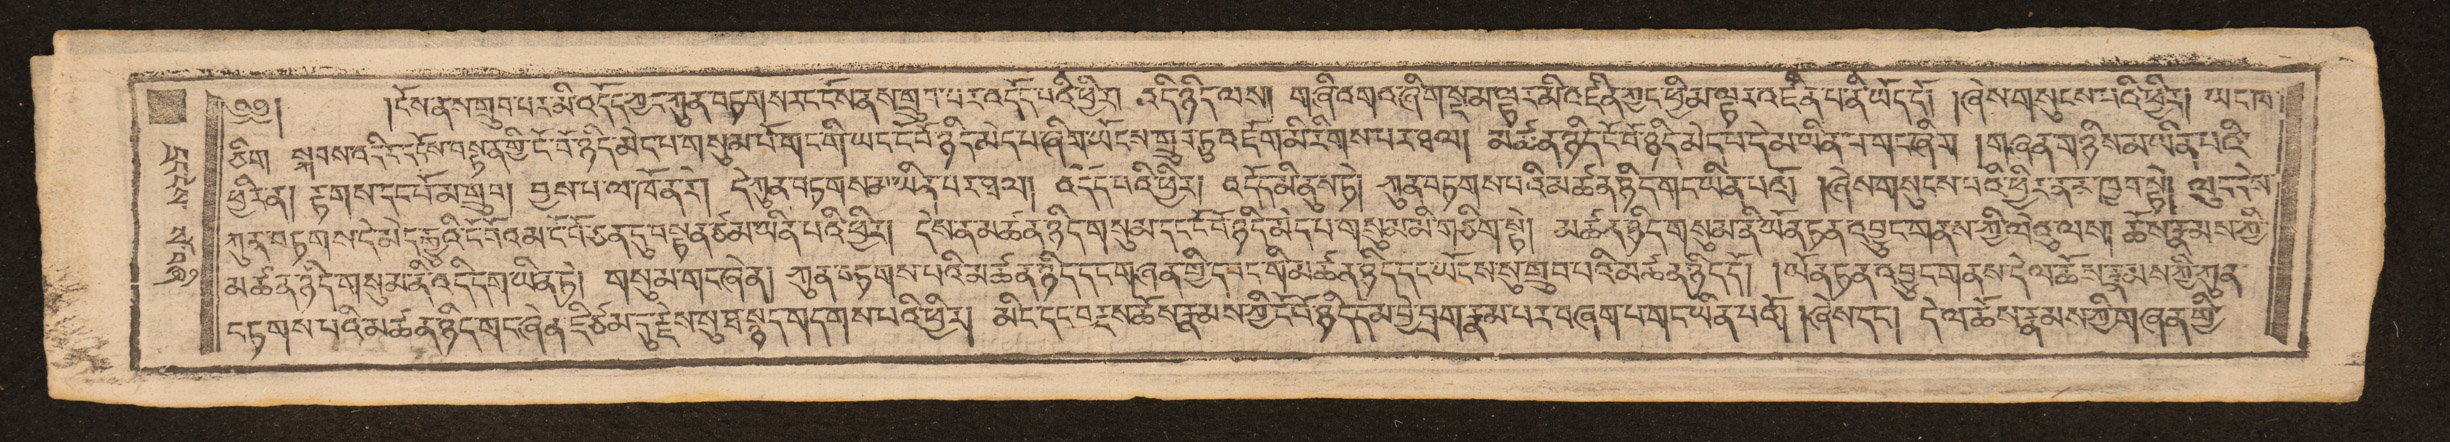༄༅། །ངོས་ནས་གྲུབ་པར་མི་འདོད་ཀྱང་ཀུན་བཏགས་རང་ངོས་ནས་གྲུབ་པར་འདོད་པའི་ཕྱིར། འདི་ཉིད་ལས། གཞི་འགའ་ཞིག་སྔ་མ་ལྟར་མི་འཛིན་ཀྱང་ཕྱི་མ་ལྟར་འཛིན་པ་ནི་ཡོད་དོ། །ཞེས་གསུངས་པའི་ཕྱིར། ཡང་ཁ་
ཅིག་སྐབས་འདིར་དངོས་བསྟན་གྱི་ངོ་བོ་ཉིད་མེད་པ་གསུམ་པོ་གང་གི་ཡང་ངོ་བོ་ཉིད་མེད་པ་ཞིག་ཡོངས་གྲུབ་ཏུ་འཇོག་མི་རིགས་པར་ཐལ། མཚན་ཉིད་ངོ་བོ་ཉིད་མེད་པ་དེ་མ་ཡིན་པ་གང་ཞིག །གཞན་གཉིས་མ་ཡིན་པའི་
ཕྱིར་ན། རྟགས་དང་པོ་མ་གྲུབ། བྱས་པ་ལ་ཁོ་ན་རེ། དེ་ཀུན་བཏགས་མ་ཡིན་པར་ཐལ། འདོད་པའི་ཕྱིར། འདོད་མི་ནུས་ཏེ། ཀུན་བཏགས་པའི་མཚན་ཉིད་གང་ཡིན་པའོ། །ཞེས་གསུངས་པའི་ཕྱིར་ན་མ་ཁྱབ་སྟེ། ལུང་དེས་
ཀུན་བཏགས་དེ་མེད་རྒྱུའི་ངོ་བོའམ་ངོ་བོ་ཅན་དུ་བསྟན་ཙམ་ཡིན་པའི་ཕྱིར། དེས་ན་མཚན་ཉིད་གསུམ་དང་ངོ་བོ་ཉིད་མེད་པ་གསུམ་མི་གཅིག་སྟེ། མཚན་ཉིད་གསུམ་ནི་ཡོན་ཏན་འབྱུང་གནས་ཀྱི་ལེའུ་ལས། ཆོས་རྣམས་ཀྱི་
མཚན་ཉིད་གསུམ་ནི་འདི་དག་ཡིན་ཏེ། གསུམ་གང་ཞེ་ན། ཀུན་བཏགས་པའི་མཚན་ཉིད་དང་གཞན་གྱི་དབང་གི་མཚན་ཉིད་དང་ཡོངས་སུ་གྲུབ་པའི་མཚན་ཉིད་དོ། །ཡོན་ཏན་འབྱུང་གནས་དེ་ལ་ཆོས་རྣམས་ཀྱི་ཀུན་
བཏགས་པའི་མཚན་ཉིད་གང་ཞེན་ཇི་ཙམ་དུ་རྗེས་སུ་ཐ་སྙད་གདགས་པའི་ཕྱིར། མིང་དང་བརྡས་ཆོས་རྣམས་ཀྱི་ངོ་བོ་ཉིད་དམ་བྱེ་བྲག་རྣམ་པར་བཞག་པ་གང་ཡིན་པའོ། །ཞེས་དང་། དེ་ལ་ཆོས་རྣམས་ཀྱི་གཞན་གྱི་